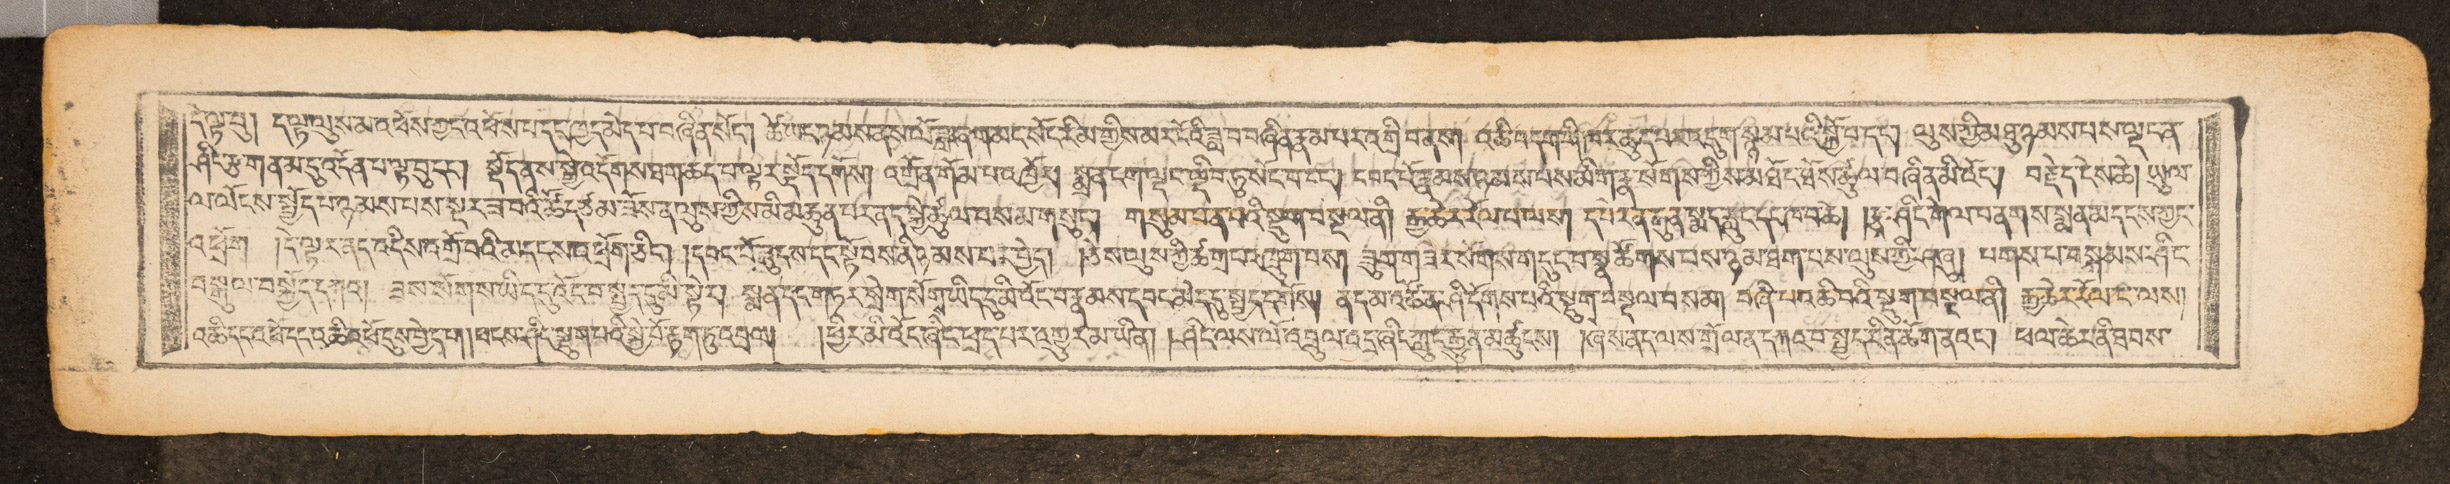དེ་ལྟ་བུ། ད་ལྟ་ལུས་མ་འཕོས་ཀྱང་འཕོས་པ་དང་ཁྱད་མེད་པ་བཞིན་སོང་། ཚེ་ཡང་ཉམས་ནས་ལོ་ཟླ་ཞག་མང་སོང་རིམ་གྱིས་མར་ངོའི་ཟླ་བ་བཞིན་རྣམ་པར་འགྲིབ་ནས། འཆི་བདག་གི་ཁར་ཆུད་པར་འདུག་སྙམ་པའི་སྐྱོ་བ་དང་། ལུས་ཀྱི་མཐུ་ཉམས་པས་ལྡང་ན་
ཤིང་རྩ་གནམ་དུ་འདོན་པ་ལྟ་བུ་དང་། སྡོད་ནས་སྐྱེ་འདོགས་ཐག་ཆད་པ་ལྟར་སྡོད་དགོས། འགྲོན་གོམ་པ་འཁྱོར། སྨྲ་ན་ངག་ལྡང་ལྡིབ་ཏུ་སོང་བ་དང་། དབང་ངོ་རྣམས་ཉམས་པས་མིག་རྣ་སོགས་ཀྱིས་མཐོང་ཐོས་ཚུལ་བཞིན་མི་འོང་། བརྗེད་ངེས་ཆེ། ཡུལ་
ལ་ལོངས་སྤྱོད་པ་ཉམས་པས་སྔར་ཟ་བའི་ཚོན་ཙམ་ཟོས་ན་ལུས་ཀྱིས་མི་མཚུན་པར་ནད་སྐྱེ་ཚུལ་བསམ་གསུང་། གསུམ་པ་ན་པའི་སྡུག་བསྔལ་ནི། རྒྱ་ཆེར་རོལ་པ་ལས། དཔེར་ན་རྒུན་སྨད་རླུང་དང་ཁ་བ་ཆེ། །རྩྭ་ཤིང་གེལ་བ་ནགས་སྨན་མདངས་ཀྱང་
འཕྲོག །དེ་ལྟར་ནང་འདིས་འགྲོ་བའི་མདངས་འཕྲོག་ཅིང་། །དབང་པོ་ཟུངས་དང་སྟོབས་ནི་ཉམས་པར་བྱེད། །ཅེས་ལུས་ཀྱི་ཚ་གྲང་འཁྲུག་པས། ཟུག་གཟེར་སོགས་གདུང་བ་སྣ་ཚོགས་པས་ཉམ་ཐག་པས་ལུས་ཀྱི་ཤ་ཞུ། པགས་པ་བསྐམས་ཤིང་
བསྐུལ་བསྐྱོད་དཀའ། ཟས་སོགས་ཡིད་དུ་འོང་བ་སྤྱད་དུ་མི་སྟེར། ༈སྨན་དང་གཏར་སྲེག་སོགས་ཡིད་དུ་མི་འོང་བ་རྣམས་དབང་མེད་དུ་སྤྱད་དགོས། ནད་མ་འཚོན་ཤི་དོགས་པའི་སྡུག་བསྔལ་བསམ། བཞི་པ་འཆི་བའི་སྡུག་བསྔལ་ནི། རྒྱ་ཆེར་རོལ་པ་ལས།
འཆི་དང་འཕོ་དང་འཆི་འཕོ་དུས་བྱེད་པ། །ཕངས་ཤིང་སྡུག་པའི་སྐྱེ་བོ་རྟག་ཏུ་འབྲལ། །ཕྱིར་མི་འོང་ཞིང་ཕྲད་པར་འགྱུར་མ་ཡིན། །ཤིང་ལས་ལོ་འབྲུལ་འདྲ་ཞིང་ཀླུང་རྒྱུན་མཚུངས། །ཞེས་ནད་ལས་གྲོལ་ན་དཀའ་བ་སྤྱད་རིན་ཆོག་ནའང་། ཕལ་ཆེར་ནི་ཐབས་